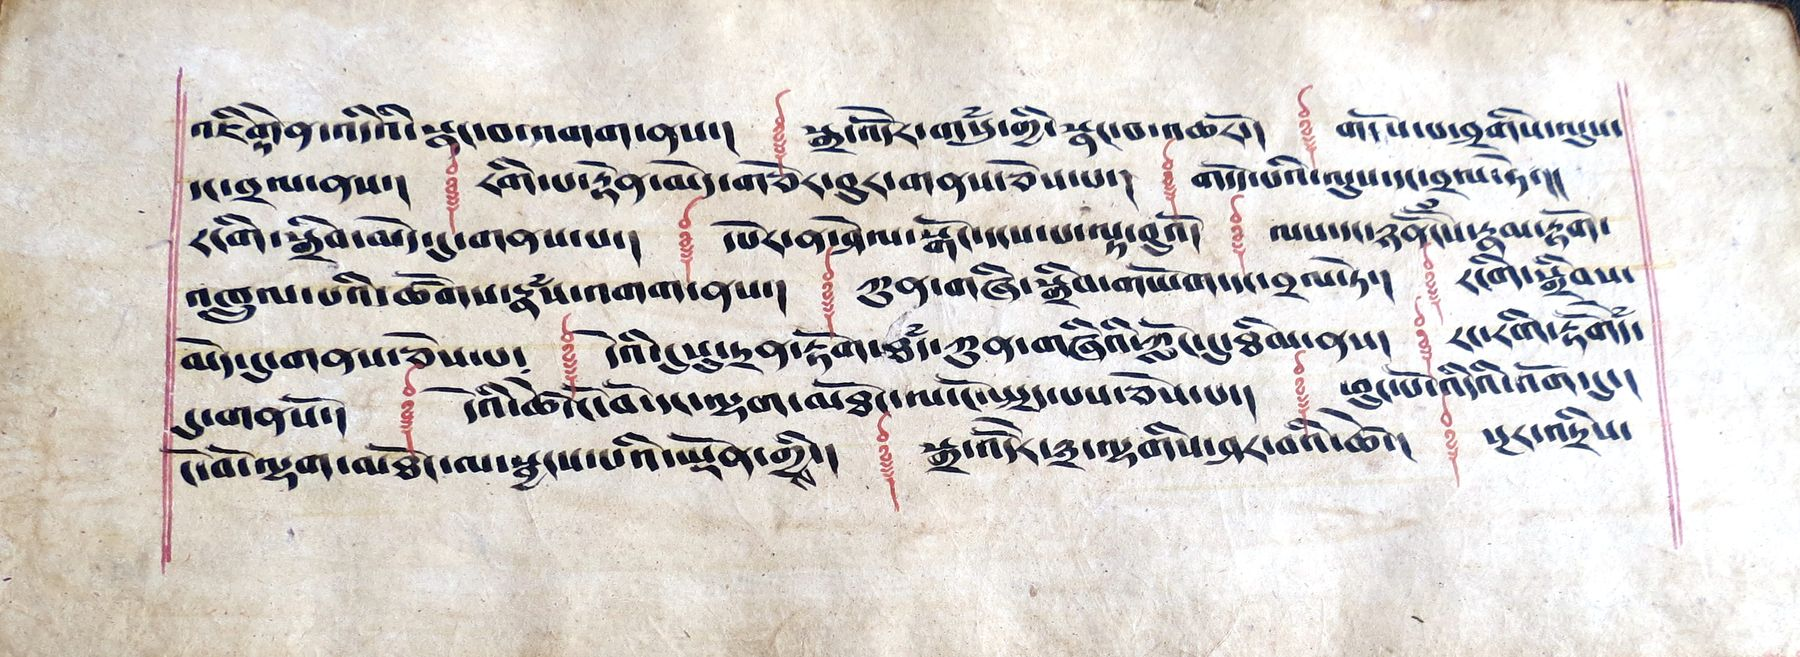འཇིག་རྟེན་འདིའི་སྣང་བ་འགགས་ནས། སྒྲ་འོད་ཟེར་གསུམ་གྱི་སྣང་བ་འཆར་རོ། །གདོས་པ་ཤ་ཁྲག་གི་ལུས་
དང་བྲལ་ནས། རིག་པ་རྟེན་མེད་གཅེར་བུར་གནས། །ཞེས་པས། གདོས་པའི་ལུས་དང་བྲལ་ཏེ། 
རང་རིག་སྒྲིབ་མེད་དུ་གནས་པ། དཔེར་ན་ཤེལ་སྒོང་དྭངས་པ་ལྟ་བུའོ། །ལས་དང་ཉོན་མོངས་རྣམ་རྟོག་
འཁྲུལ་པའི་ཚོགས་རྣམས་འགགས་ནས། ཀུན་གཞི་སྒྲིབ་གཡོགས་དང་བྲལ་ཏེ། རང་རིག་སྒྲིབ་
མེད་དུ་གནས། །ཞེས་པས། དེའི་དུས་སུ་དྲན་རྟོག་ཐམས་ཅད་ཀུན་གཞིའི་ཀློང་དུ་ཐིམ་པས། རང་རིག་རྟོག་མེད་
དུ་གནས་སོ། །དེའི་ཚེ་ངོ་བོ་དང་ལྷག་མཐོང་ལ་ངོ་སྤྲད་པས། །ཞེས་པས། ཕུང་པོ་འདིའི་འོག་ཏུ། 
ངོ་བོ་ཉིད་ལྷག་མཐོང་ལ་སྦྱངས་པའི་ཡོན་ཏན་གྱིས། སྒྲ་འོད་ཟེར་གསུམ་ལྷག་གིས་ཤར་བའི་ཚེ། སྔར་འདྲིས་